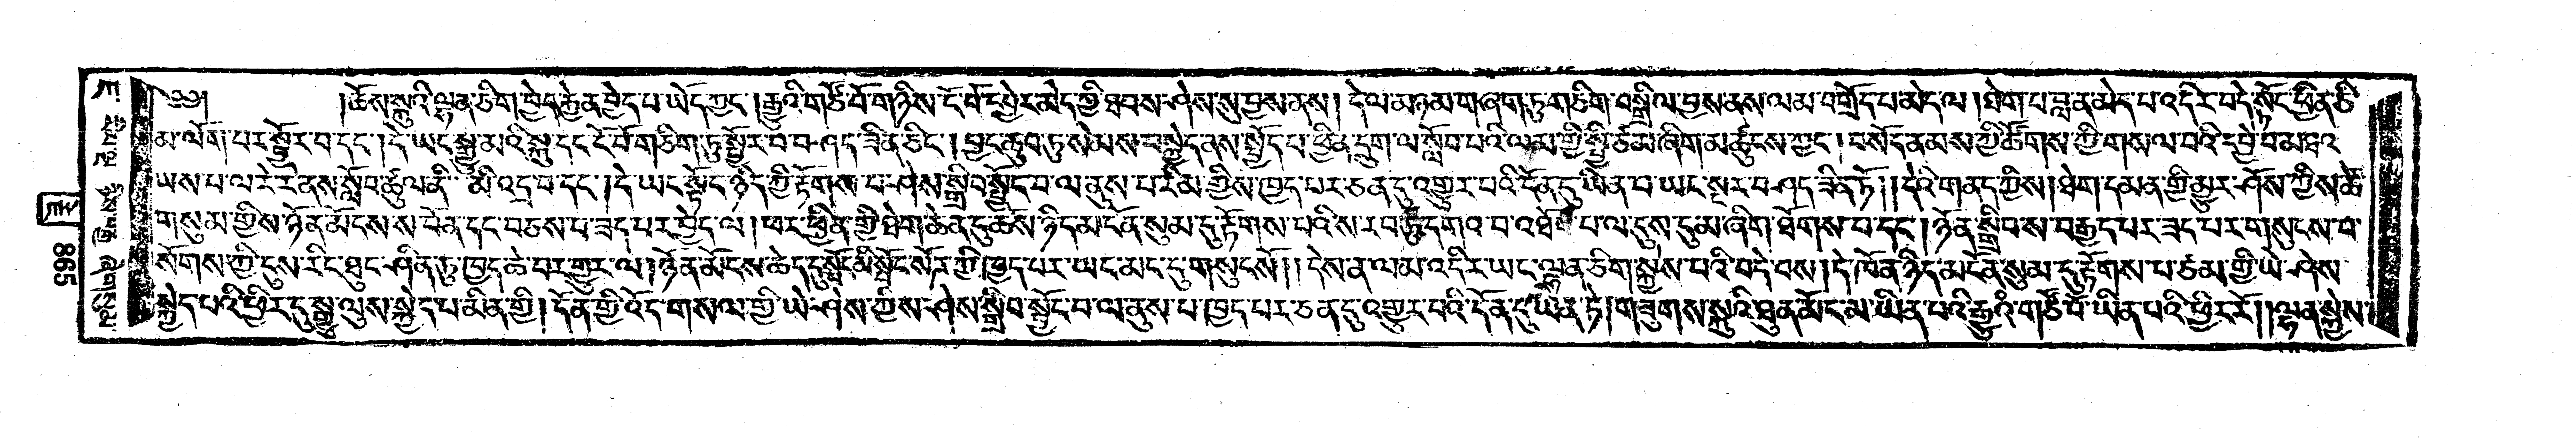༄༅། །ཆོས་སྐུའི་ལྷན་ཅིག་བྱེད་རྐྱེན་བྱེད་པ་ཡོད་ཀྱང་། རྒྱུའི་གཙོ་བོ་གཉིས་ངོ་བོ་དབྱེར་མེད་ཀྱི་ཐབས་ཤེས་སུ་བྱས་ནས། དེ་ལ་མཉམ་གཞག་ཏུ་གཅིག་བསྒྲིལ་བྱས་ནས་ལམ་བགྲོད་པ་མེད་ལ། ཐེག་པ་བླ་ན་མེད་པ་འདིར་བདེ་སྟོང་ཕྱིན་ཅི་
མ་ལོག་པར་སྦྱོར་བ་དང་། དེ་ཡང་སྒྱུ་མའི་སྐུ་དང་ངོ་བོ་གཅིག་ཏུ་སྦྱོར་བ་བཤད་ཟིན་ཅིང་། བྱང་ཆུབ་ཏུ་སེམས་བསྐྱེད་ནས་སྤྱོད་པ་ཕྱིན་དྲུག་ལ་སློབ་པའི་ལམ་གྱི་སྤྱི་ཙམ་ཞིག་མཚུངས་ཀྱང་། བསོད་ནམས་ཀྱི་ཚོགས་ཀྱི་གསལ་བའི་དབྱེ་བ་མཐའ་
ཡས་པ་ལ་རེ་རེ་ནས་སློབ་ཚུལ་ནི་མི་འདྲ་བ་དང་། དེ་ཡང་སྟོང་ཉིད་ཀྱི་རྟོགས་པ་ཤེས་སྒྲིབ་སྤྱོད་པ་ལ་ནུས་པ་རིམ་གྱིས་ཁྱད་པར་ཅན་དུ་འགྱུར་བའི་དོན་དུ་ཡིན་པ་ཡང་སྔར་བཤད་ཟིན་ཏོ། །དེའི་གནད་ཀྱིས། ཐེག་དམན་གྱི་མྱུར་ཤོས་ཀྱིས་ཚེ་
གསུམ་གྱིས་ཉོན་མོངས་ས་བོན་དང་བཅས་པ་ཟད་པར་བྱེད་ལ། ཕར་ཕྱིན་གྱི་ཐེག་ཆེན་དུ་ཆོས་ཉིད་མངོན་སུམ་དུ་རྟོགས་པའི་ས་རབ་ཏུ་དགའ་བ་འཐོབ་པ་ལ་དུས་དུ་མ་ཞིག་ཐོགས་པ་དང་། ཉོན་སྒྲིབ་ས་བརྒྱད་པར་ཟད་པར་གསུངས་པ་
སོགས་ཀྱི་དུས་རིང་ཐུང་ཤིན་ཏུ་ཁྱད་ཆེ་བར་གྱུར་ལ། ཉོན་མོངས་ཆེད་དུ་སྤོང་མི་སྤོང་སོགས་ཀྱི་ཁྱད་པར་ཡང་མང་དུ་གསུངས་སོ། །དེས་ན་ལམ་འདིར་ཡང་ལྷན་ཅིག་སྐྱེས་པའི་བདེ་བས། དེ་ཁོ་ན་ཉིད་མངོན་སུམ་དུ་རྟོགས་པ་ཙམ་གྱི་ཡེ་ཤེས་
སྐྱེད་པའི་ཕྱིར་དུ་སྒྱུ་ལུས་སྐྱེད་པ་མིན་གྱི། དོན་གྱི་འོད་གསལ་གྱི་ཡེ་ཤེས་ཀྱིས་ཤེས་སྒྲིབ་སྦྱོང་བ་ལ་ནུས་པ་ཁྱད་པར་ཅན་དུ་འགྱུར་བའི་དོན་དུ་ཡིན་ཏེ། གཟུགས་སྐུའི་ཐུན་མོང་མ་ཡིན་པའི་རྒྱུའི་གཙོ་བོ་ཡིན་པའི་ཕྱིར་རོ། །ལྷན་སྐྱེས་